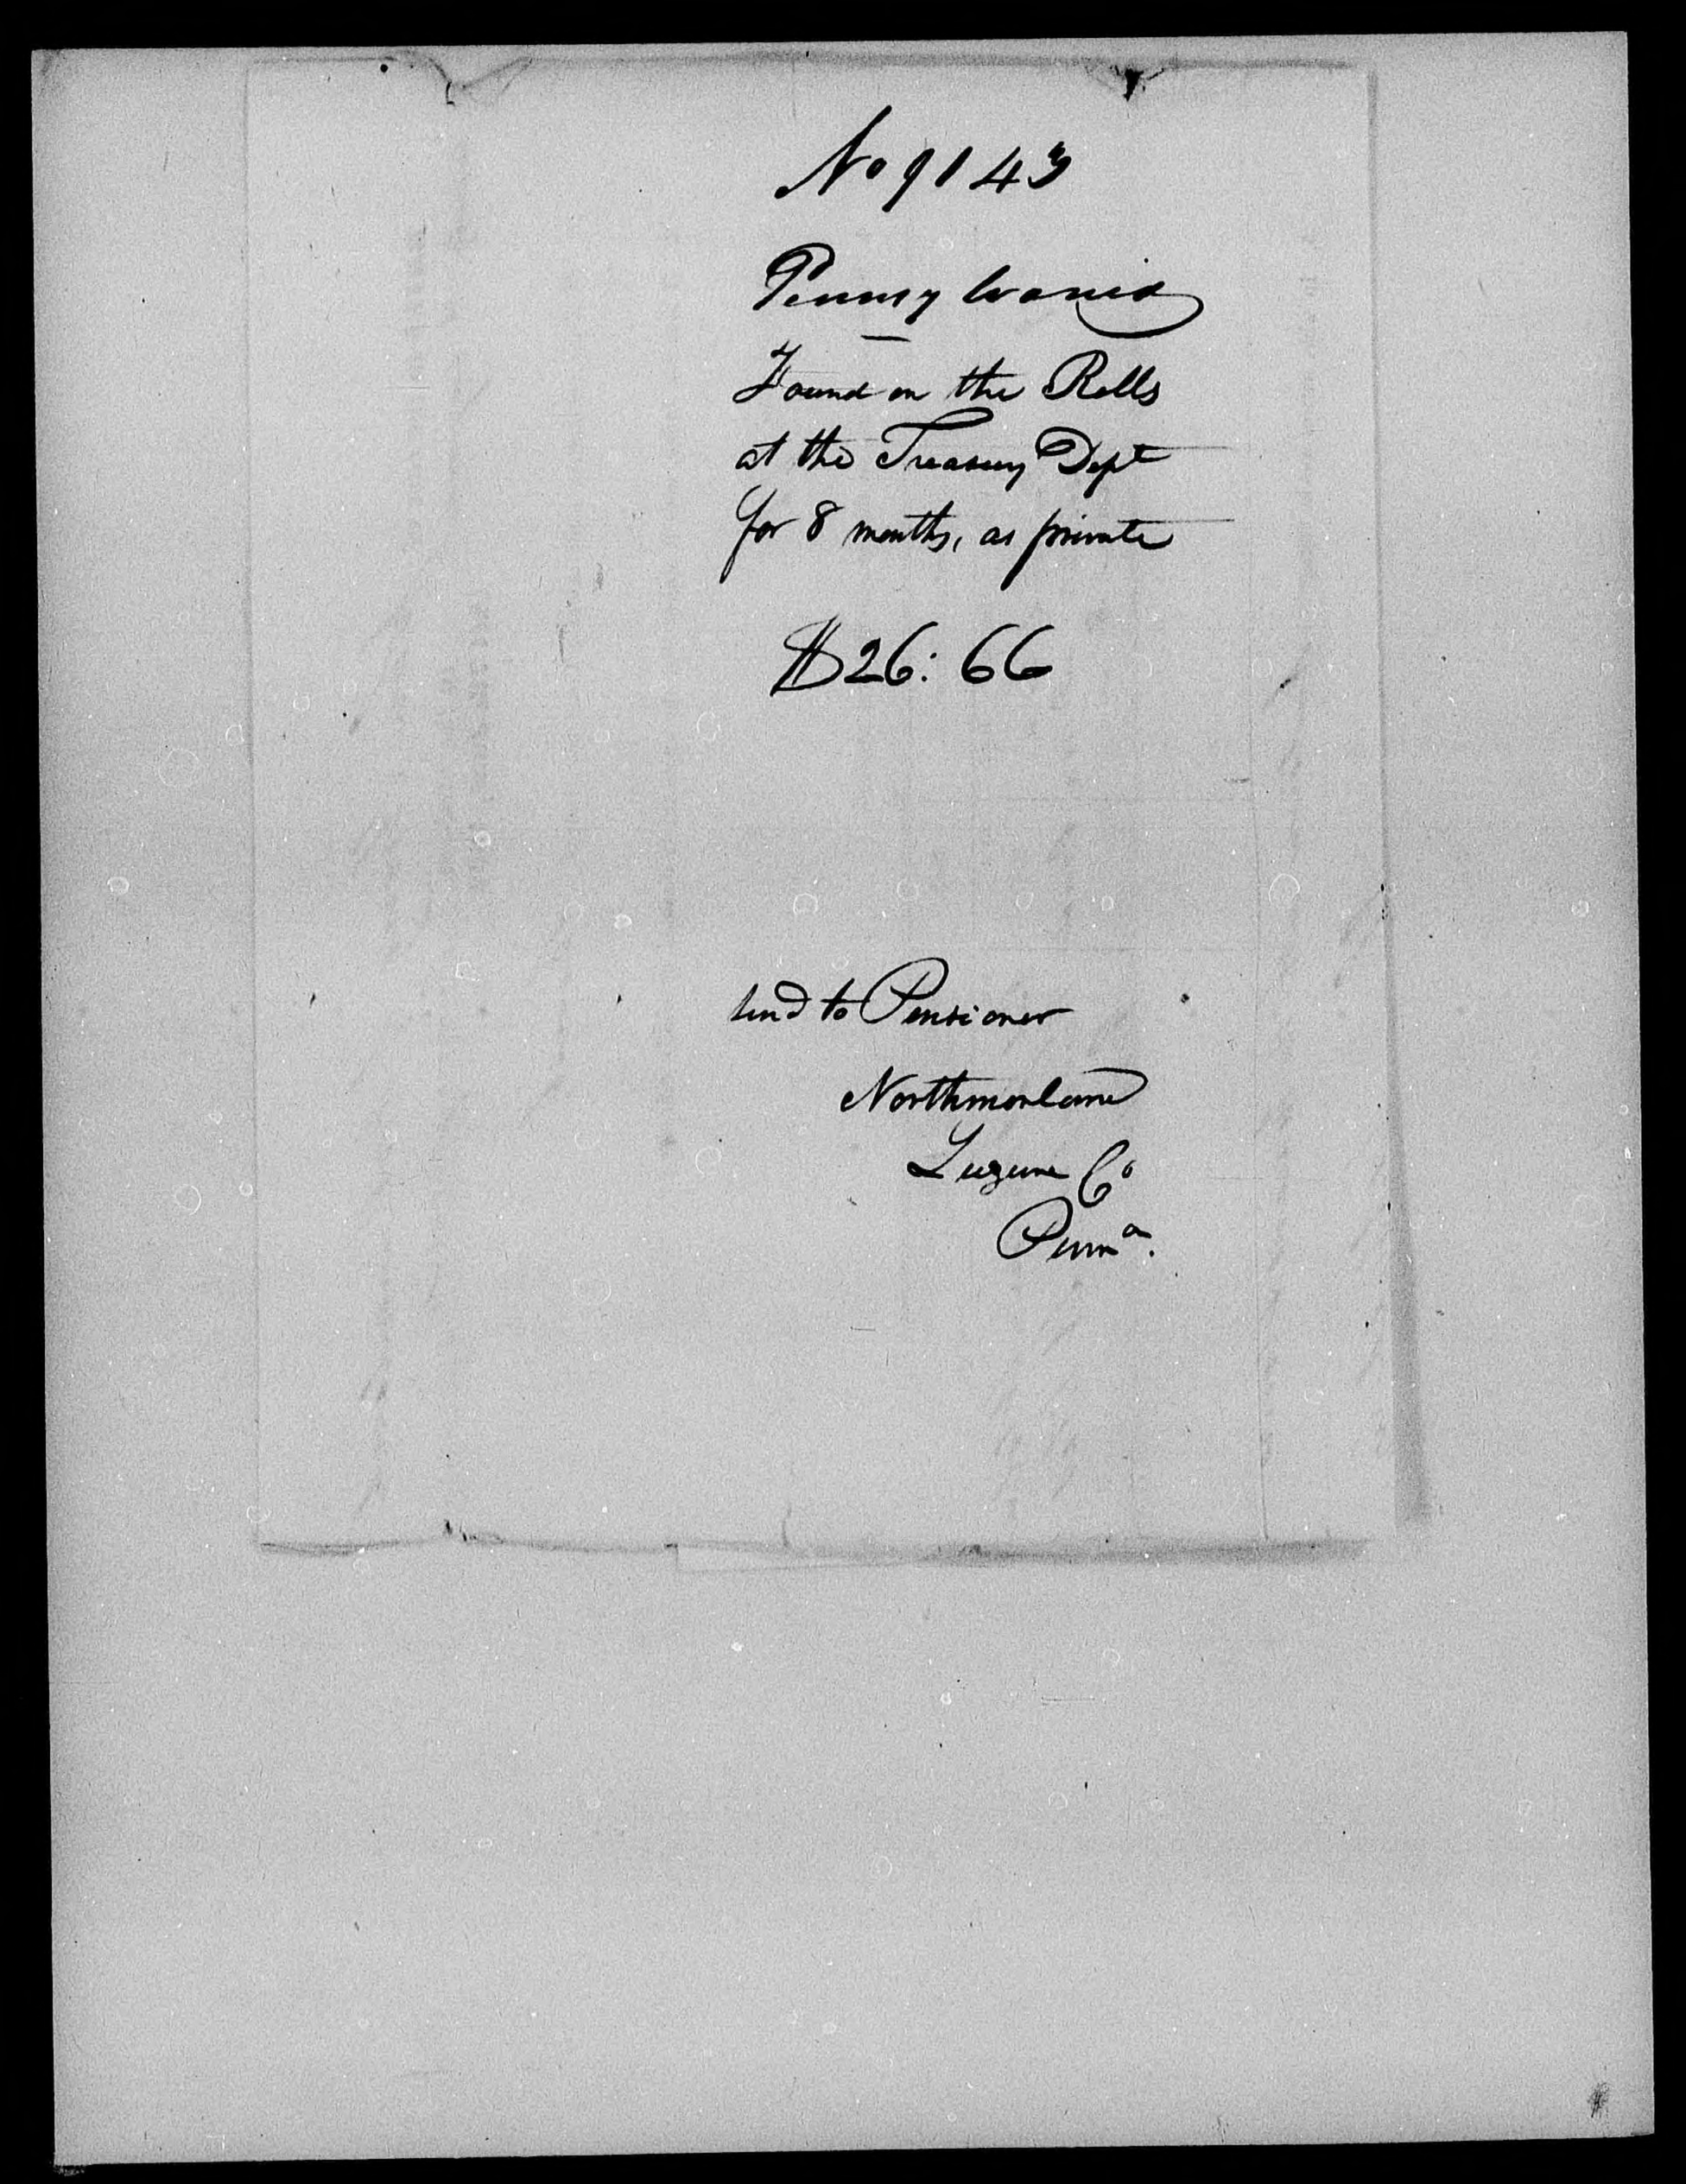No 9143
Pennsylvania
-
Found on the Rolls
at the Treasury Dept
for 8 months, as private
$26.66
send to Pensioner
Northmorland
Luzerne Co
Penna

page: 16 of 33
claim: widow's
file: W. 4592, for John Strong, New York